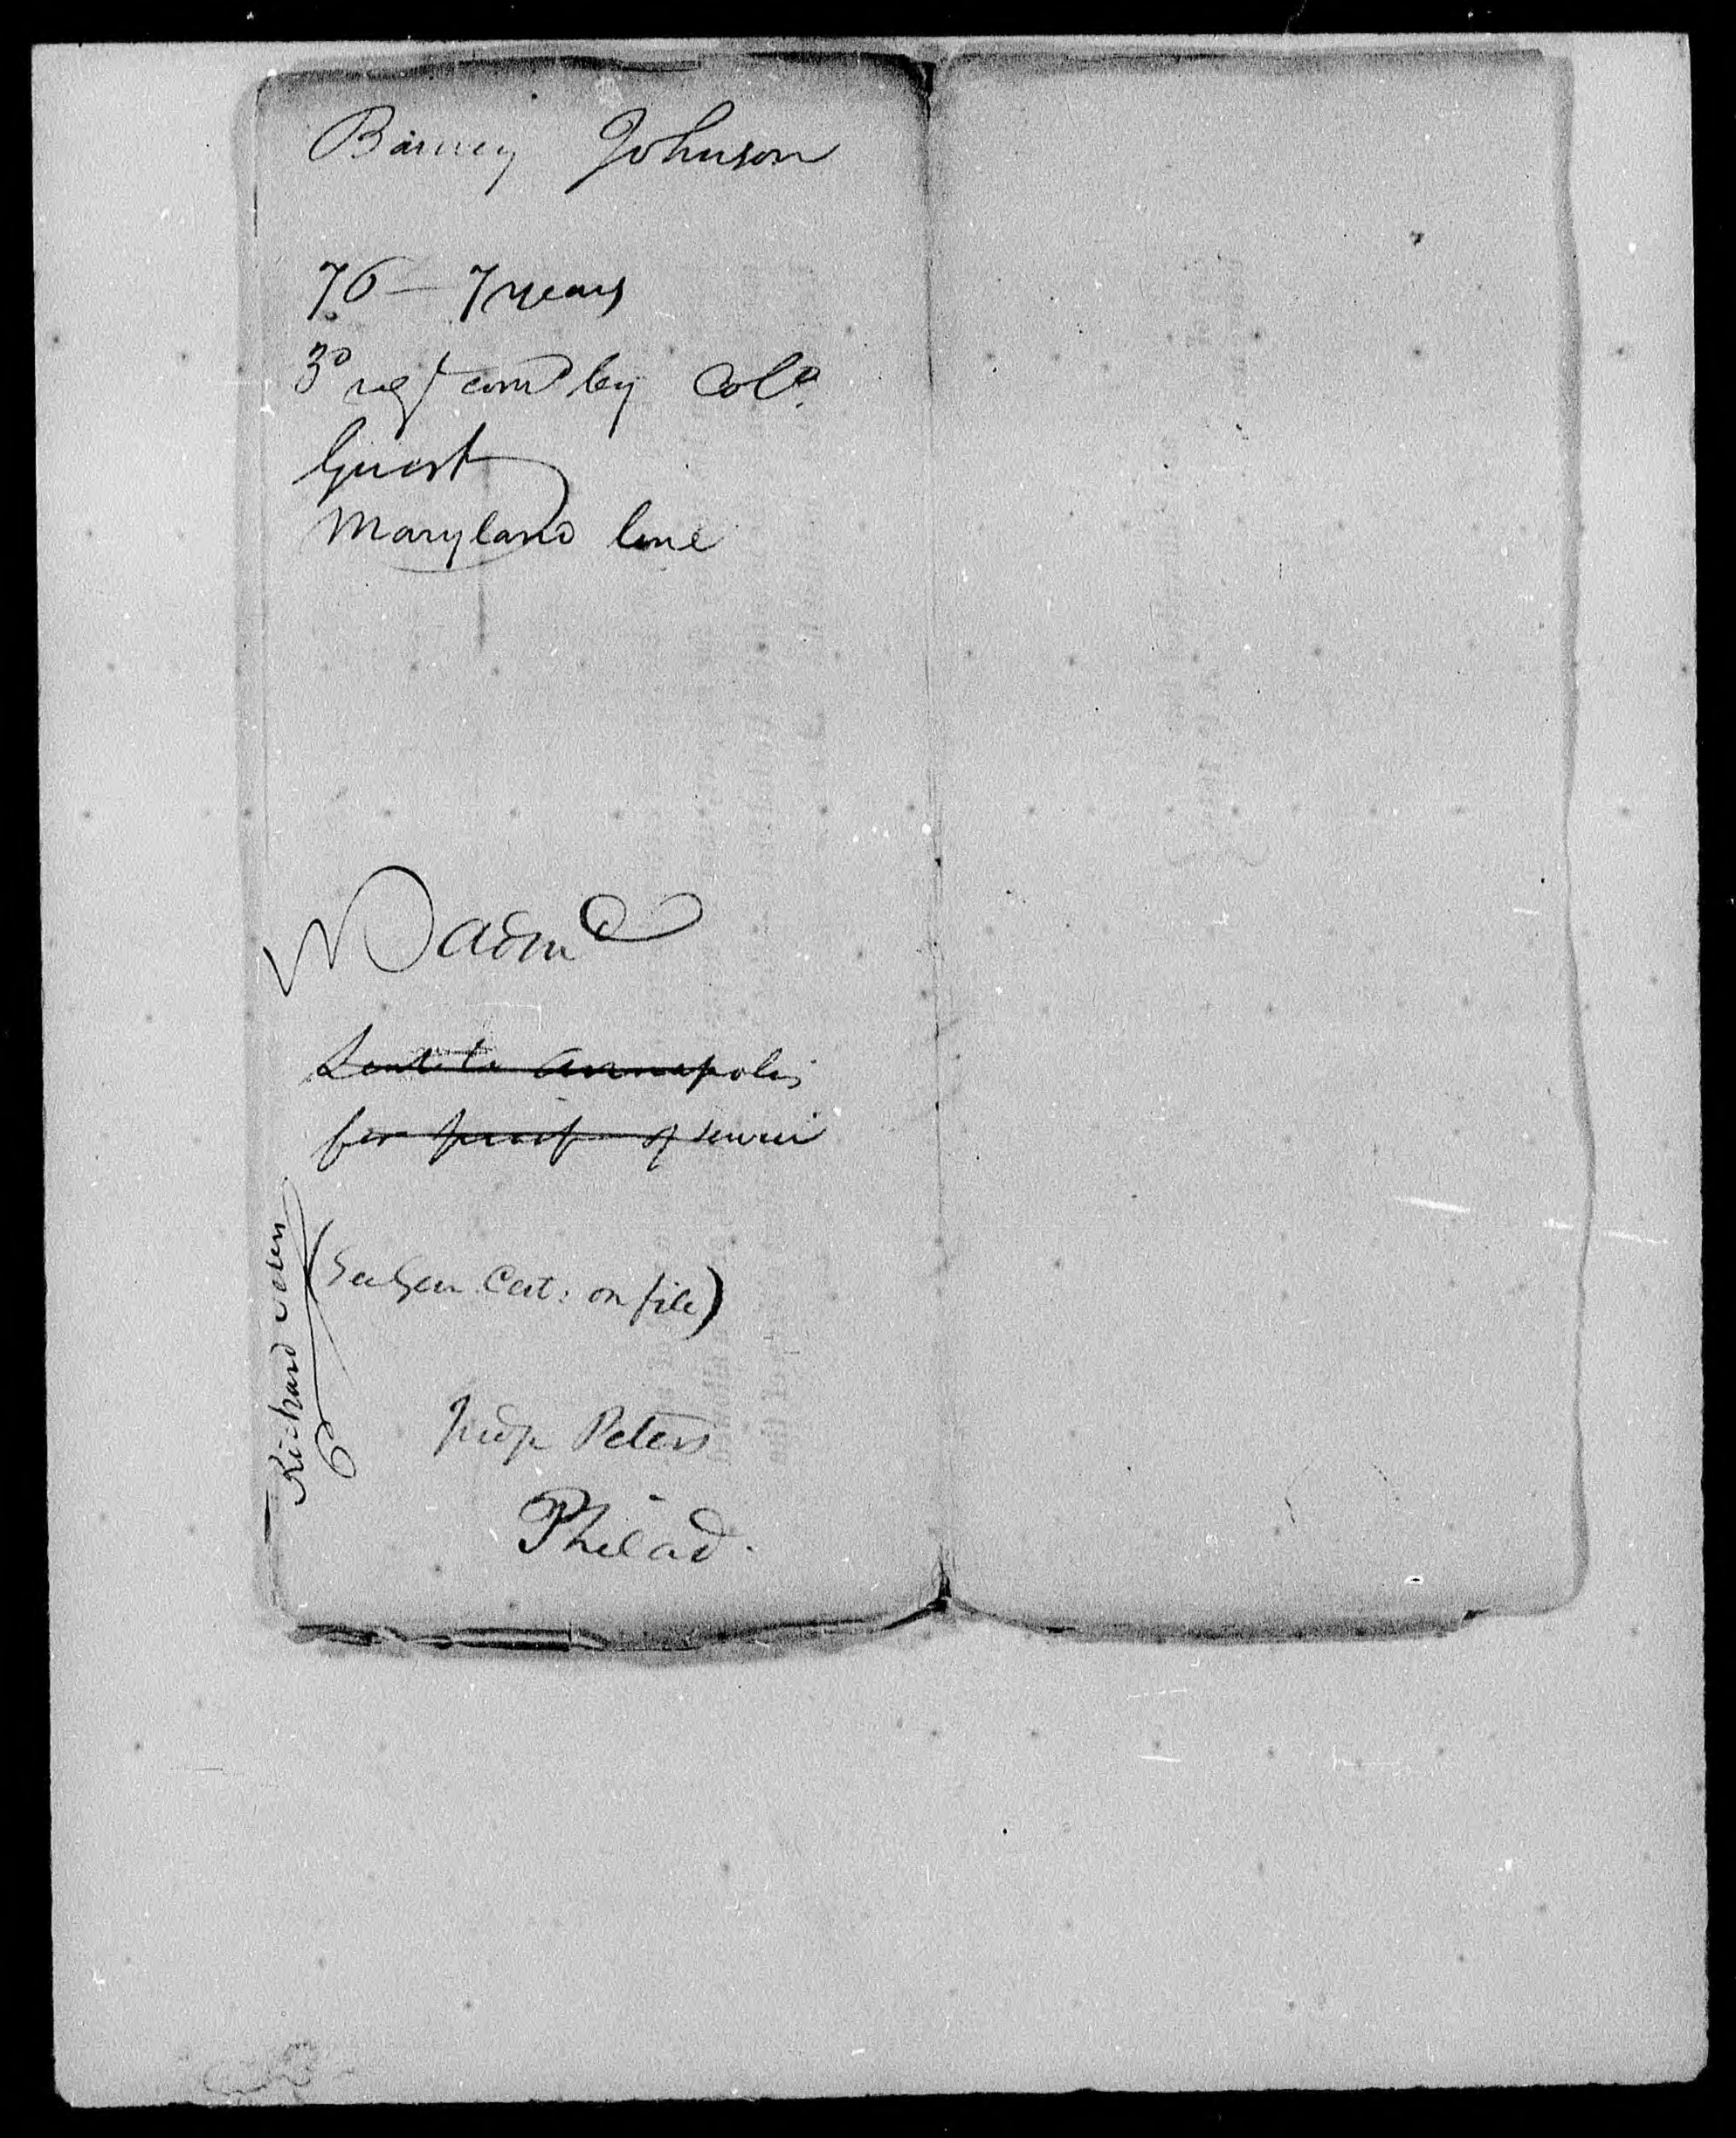Barney Johnson

76 - 7 years
3rd regt com by Col Guest
Maryland Line
Adm't

Crossed out - Sent to Annapolis for proof of service

(See Gen Cert on file)
Rich'd Peters
Philad.

Richard Peters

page: 4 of 11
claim: survivor's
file: S. 39,783, for Barny Johnson, Maryland